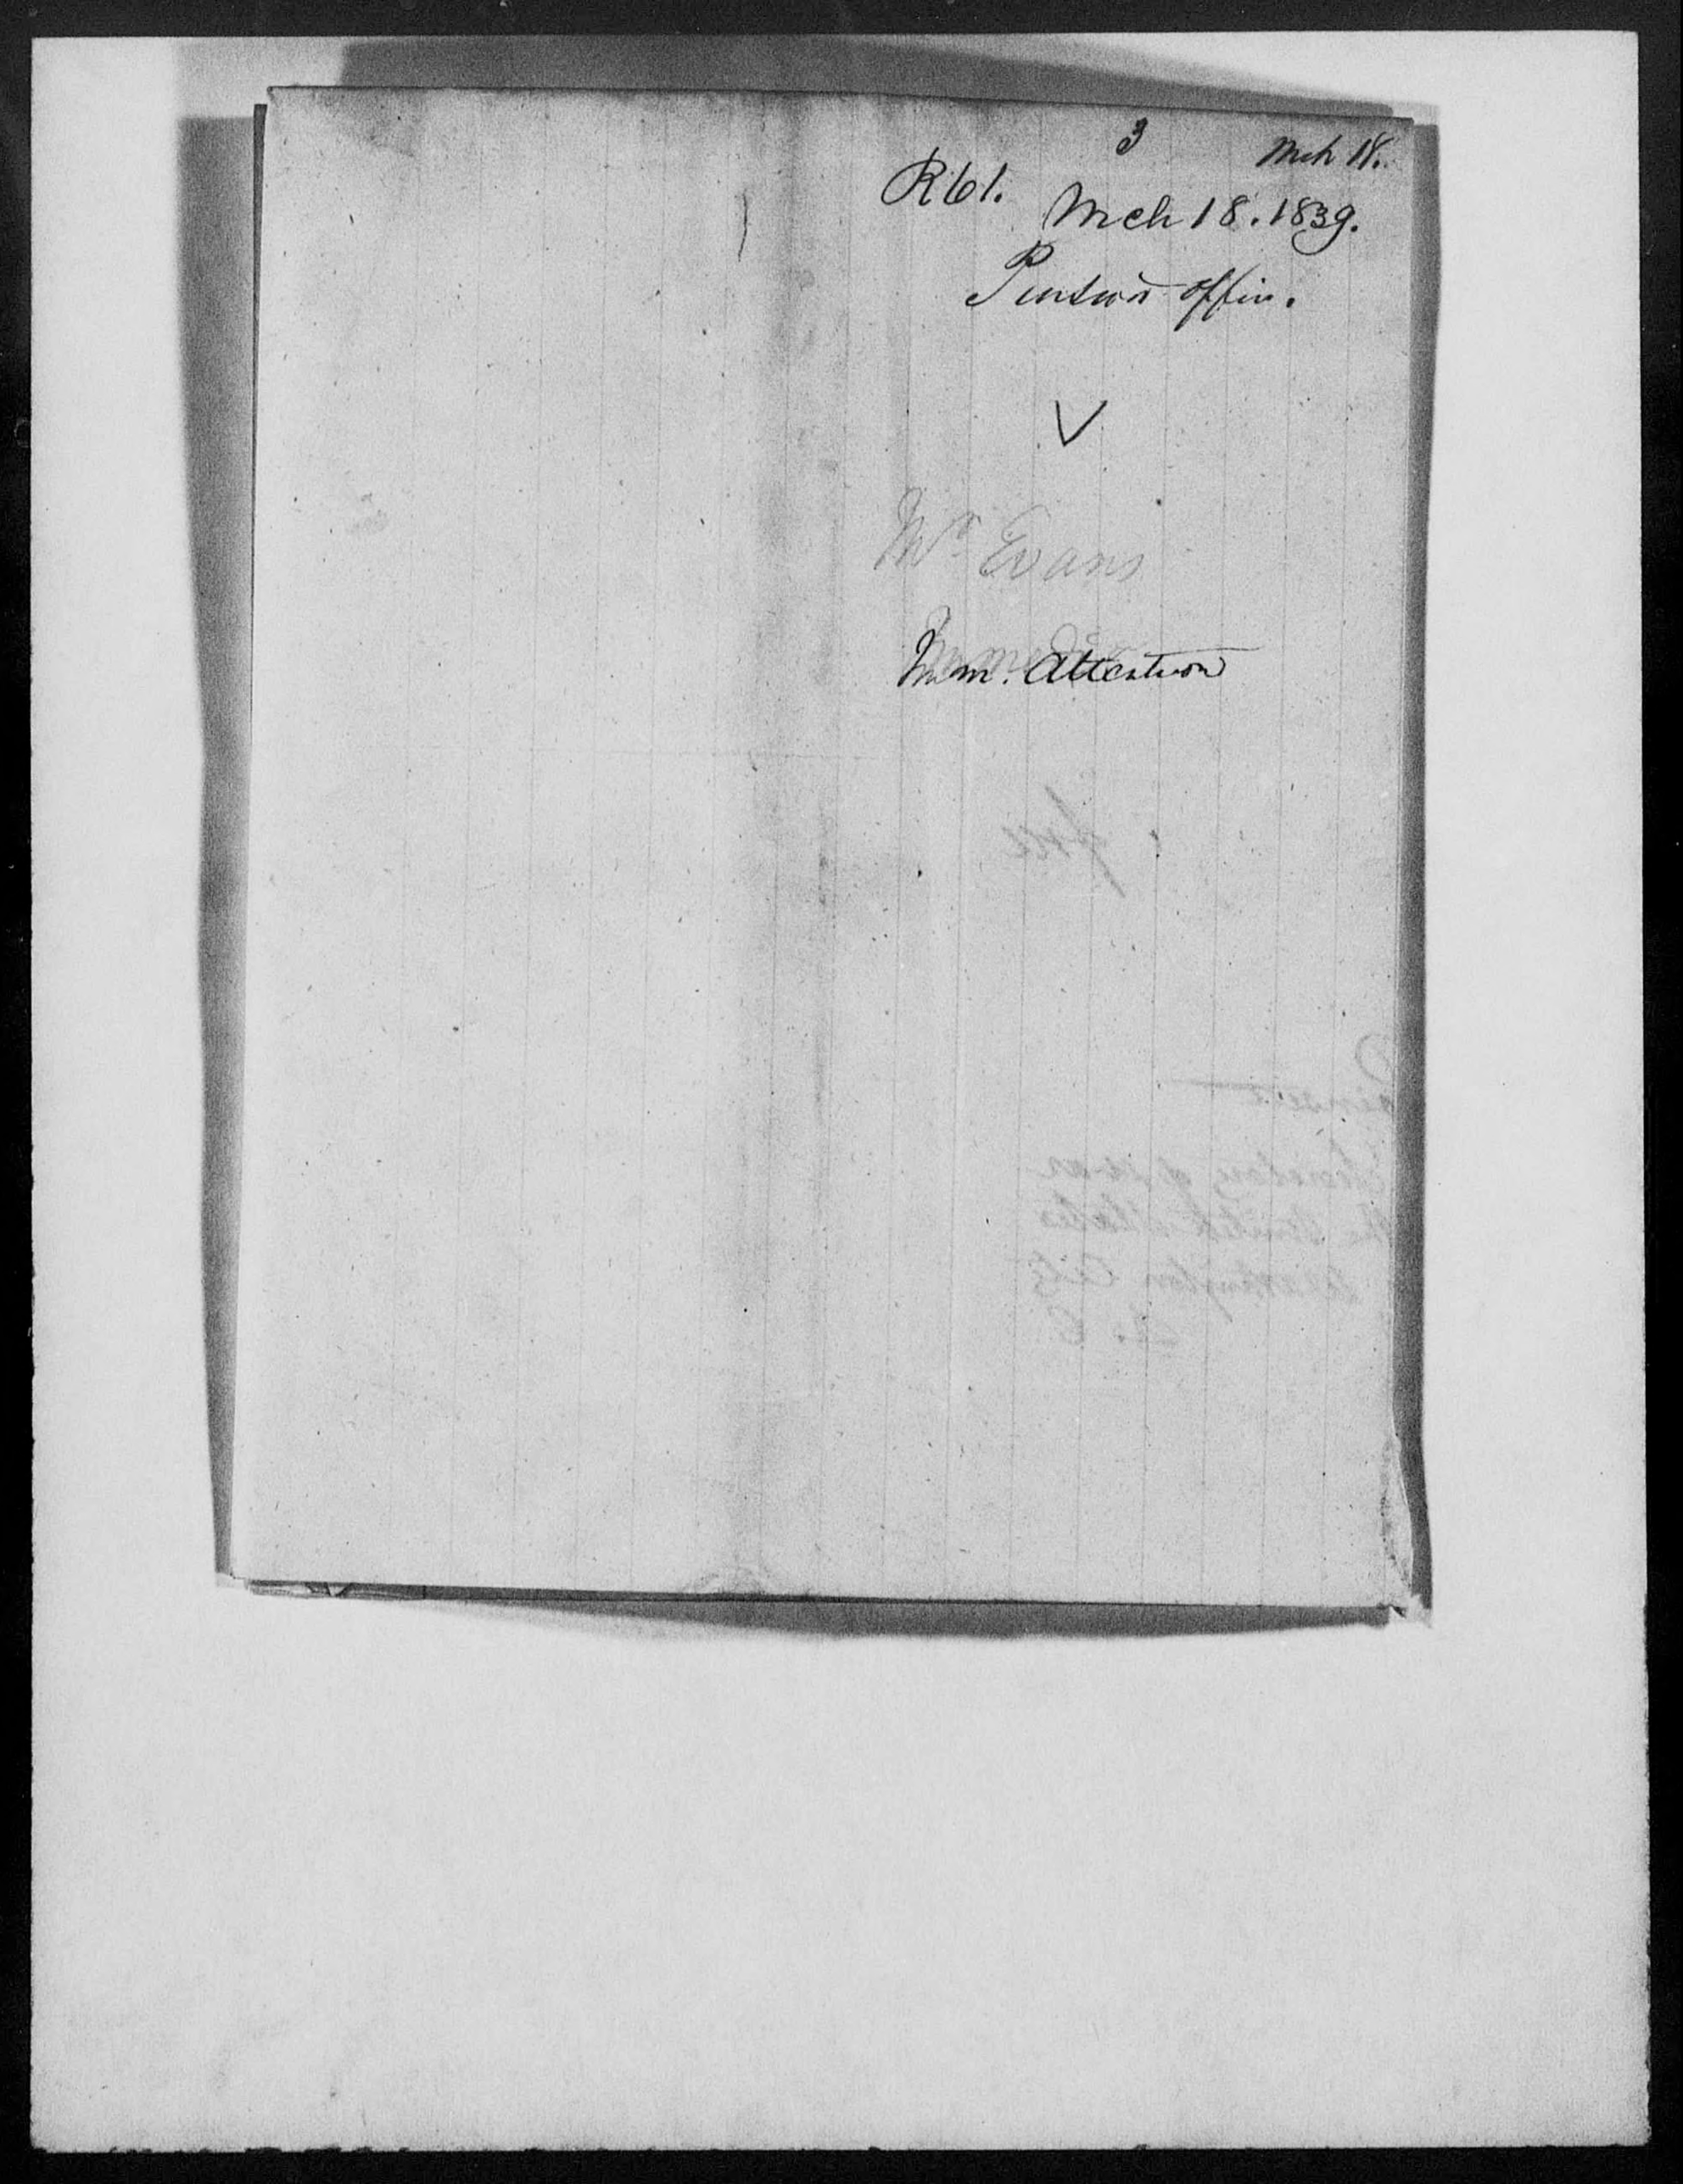Mch 18.
R61. Mch 18.1839.
Pension office.

Mr Evans
Mm. Attention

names: Evans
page: 14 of 22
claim: survivor's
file: S. 9,199, George Corley, Md.